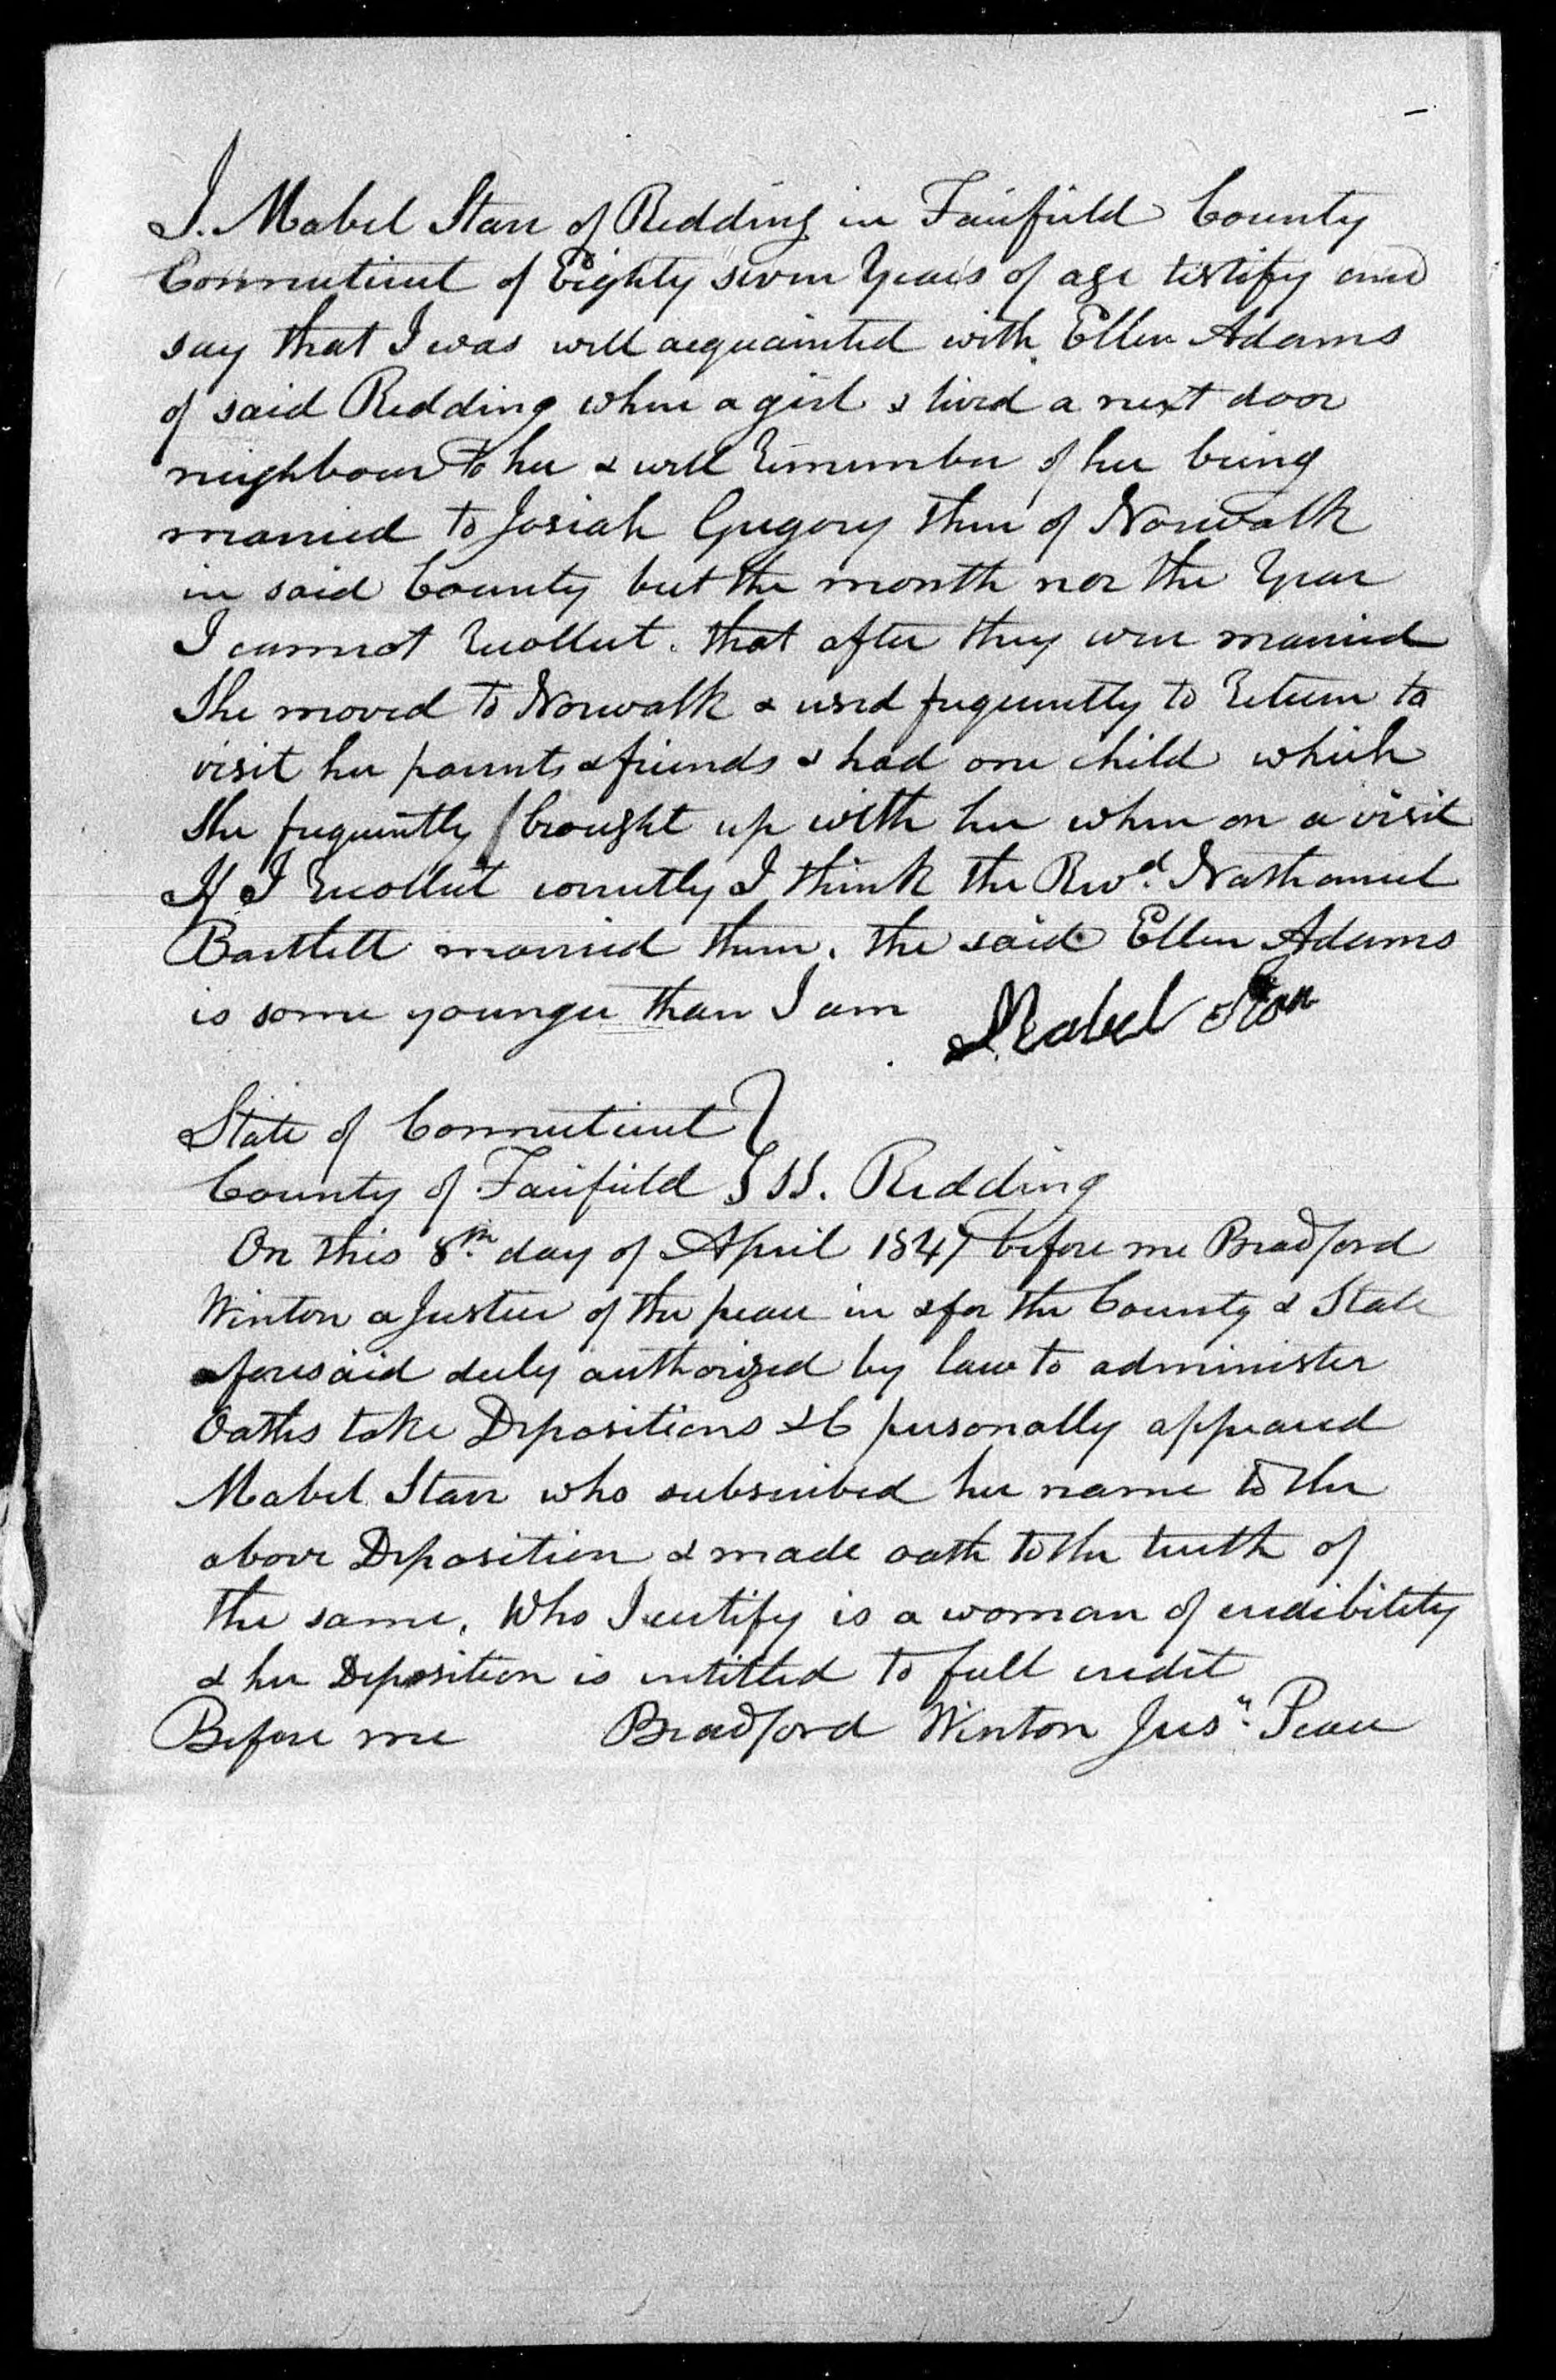I Mabel Starr of Redding in Fairfield County Connecticut of Eighty seven years of age testify and say that I was well acquainted with Ellen Adams of said Redding when a girl & lived a next door neighbour to her & well remember of her being married to Josiah Gregory then of Norwalk in said County but the month nor the year I cannot recollect - that after they were married She moved to Norwalk & used frequently to return to visit her parents & friends & had one child which She frequently brought up with her when on a visit   If I recollect correctly  I think the Revd. Nathaniel Bartlett married them. The said Ellen Adams is some younger than I am
         [Signed]  Mabel Starr

State of Connecticut
County of Fairfield} SS Redding
On this 8th day if April 1847 before me Bradford Winton,  Justice of the peace in & for the County & State aforesaid duly authorized by law to administer Oaths take Depositions etc. personally appeared Mabel Starr who subscribed her name to  her above Deposition & made oath to the truth of the same. Who  testify is a woman of credibility & her Deposition is entitled to full credit
   Before me 
         [Signed] Bradford Winton Jus Peace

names: Nathaniel Bartlett, Bradford Winton, Mabel Starr, Mabel Starr, Ellen Adams, Mabel Starr, Bradford Winton, Ellen Adams, Josiah Gregory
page: 14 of 49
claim: widow's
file: W 24308, Josiah Gregory, Conn.